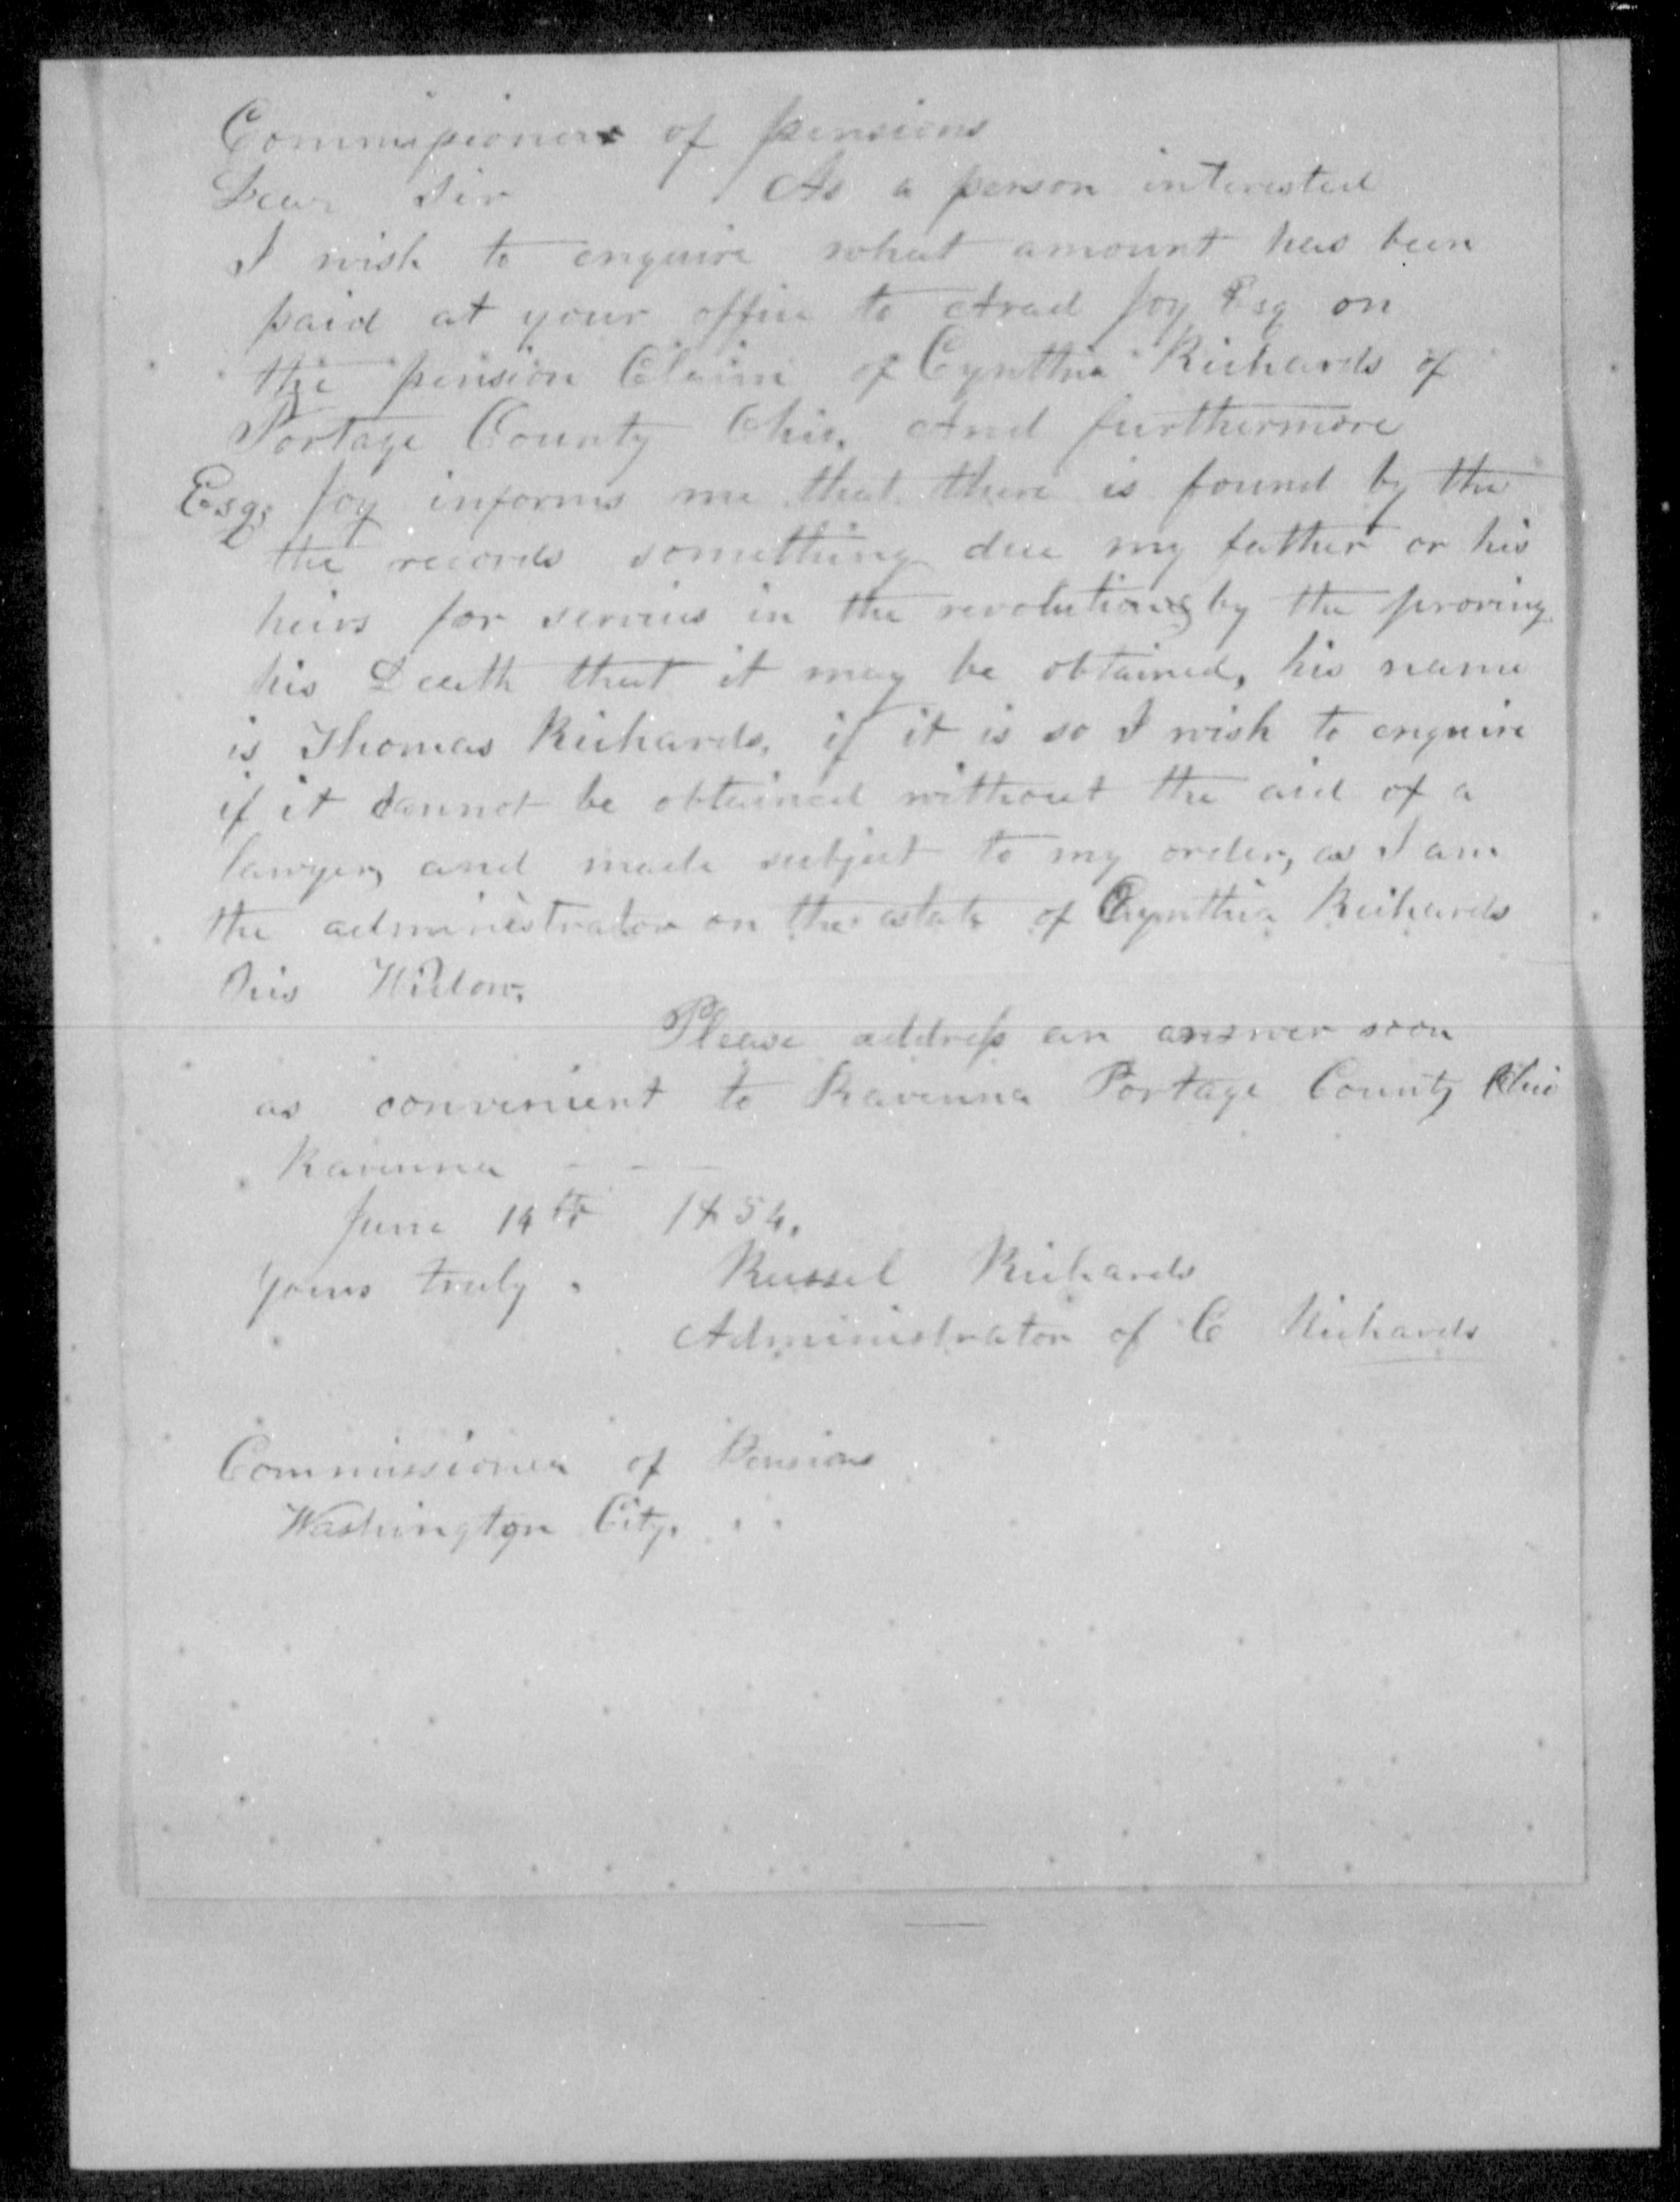Commissioner of Pensions
Dear Sir
As a person interested I wish to enquire what amount has been paid at your office to Arad Joy Esq [ESQUIRE] on the pension claim of Cynthia Richards of Portage County Ohio. And furthermore Esq Joy informs me that there is found by the the [sic] records something due my father or his heirs for services in the revolution by the proving his death that it may be obtained, his name is Thomas Richards, if it is so I wish to enquire if it cannot be obtained without the aid of a lawyer and made subject to my order, as I am the administrator on the estate of Cynthia Richards his Widow
Please address an answer as soon as convenient to Ravenna Portage County Ohio
Ravenna ---
June 14th 1854.
yours truly
Russel Richards
Administrator of C [CYNTHIA] Richards

Commissioner of Pensions
Washington City.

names: C Richards; Russel Richards; Thomas Richards; Cynthia Richards; Arad Joy; Cynthia Richards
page: 61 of 109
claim: widow's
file: W. 5709, for Thomas Richards, New Hampshire